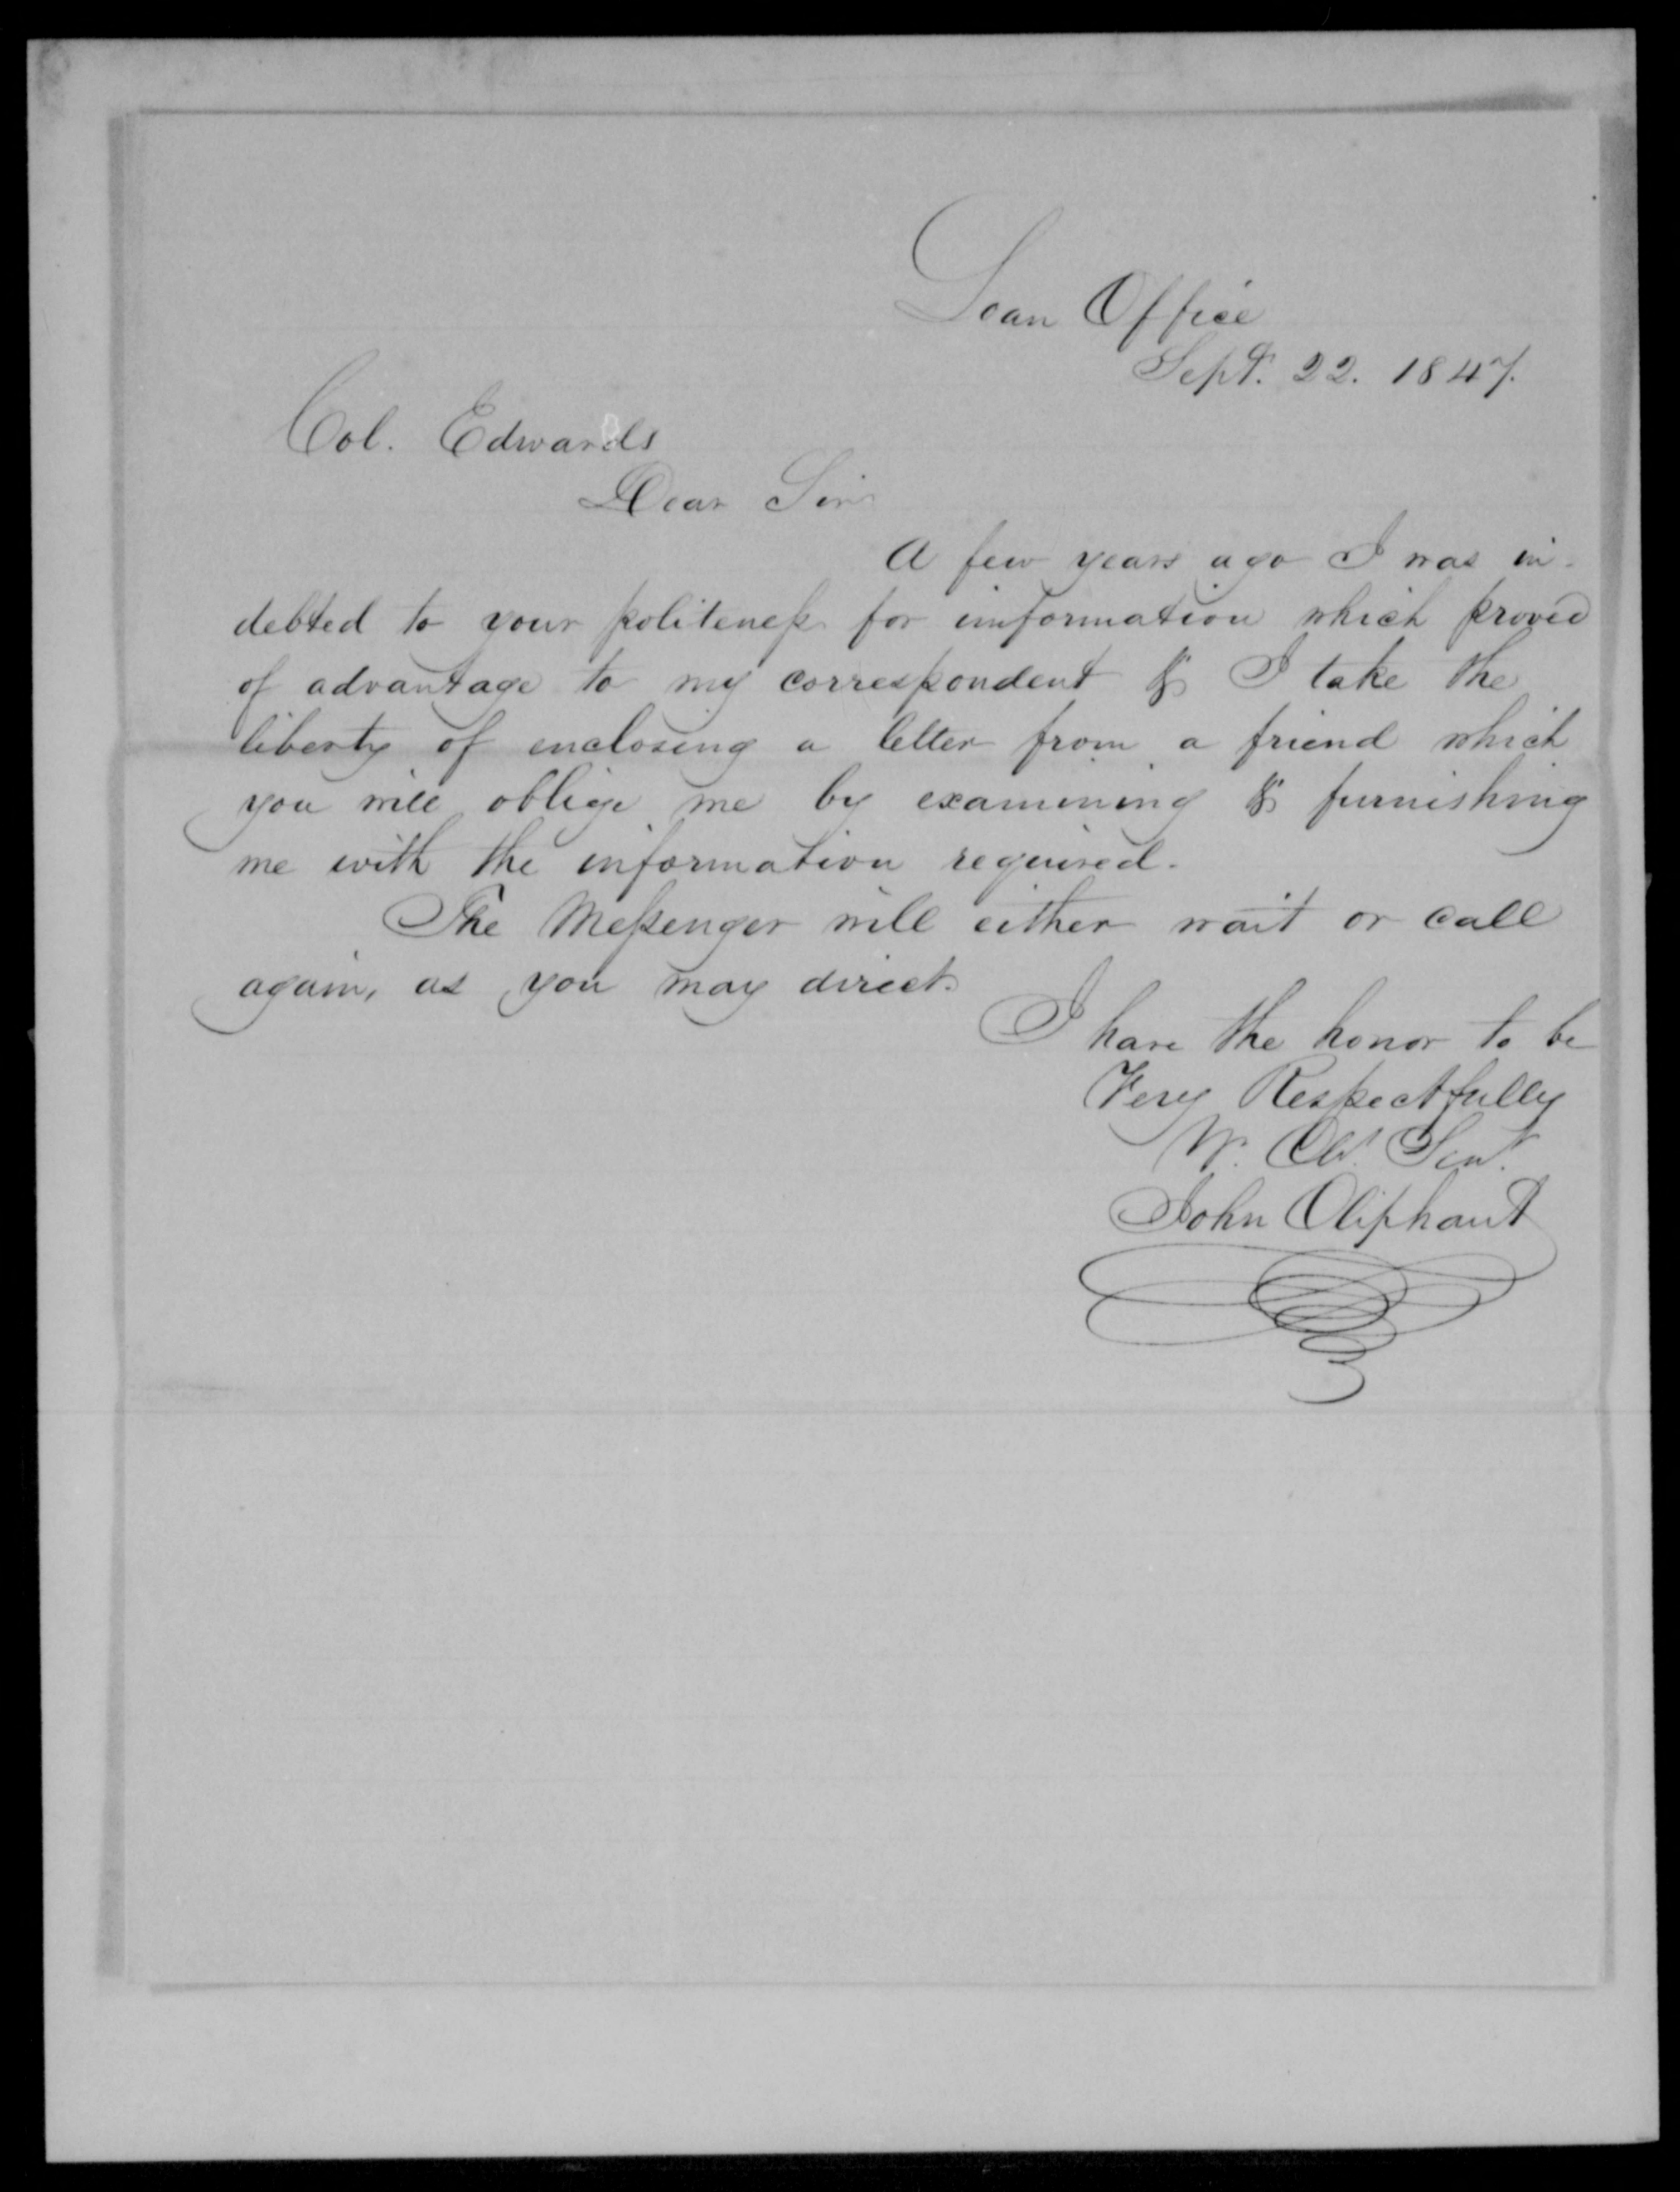Loan Office Sept. 22, 1847

Col. Edwards

Dear Sir

A few years ago I was indebted to your politeness for information which proved of advantage to my correspondent & I take the liberty of enclosing a letter from a friend which you will oblige me by examinng & furnishing me with the information required.

The messenger will either wait or call again, as you may direct.

I have the honor to be Very Respectfully Yr. Obt. Ser. John Oliphant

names: John Oliphant, Edwards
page: 49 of 63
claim: widow's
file: W. 18403, David White, Conn.